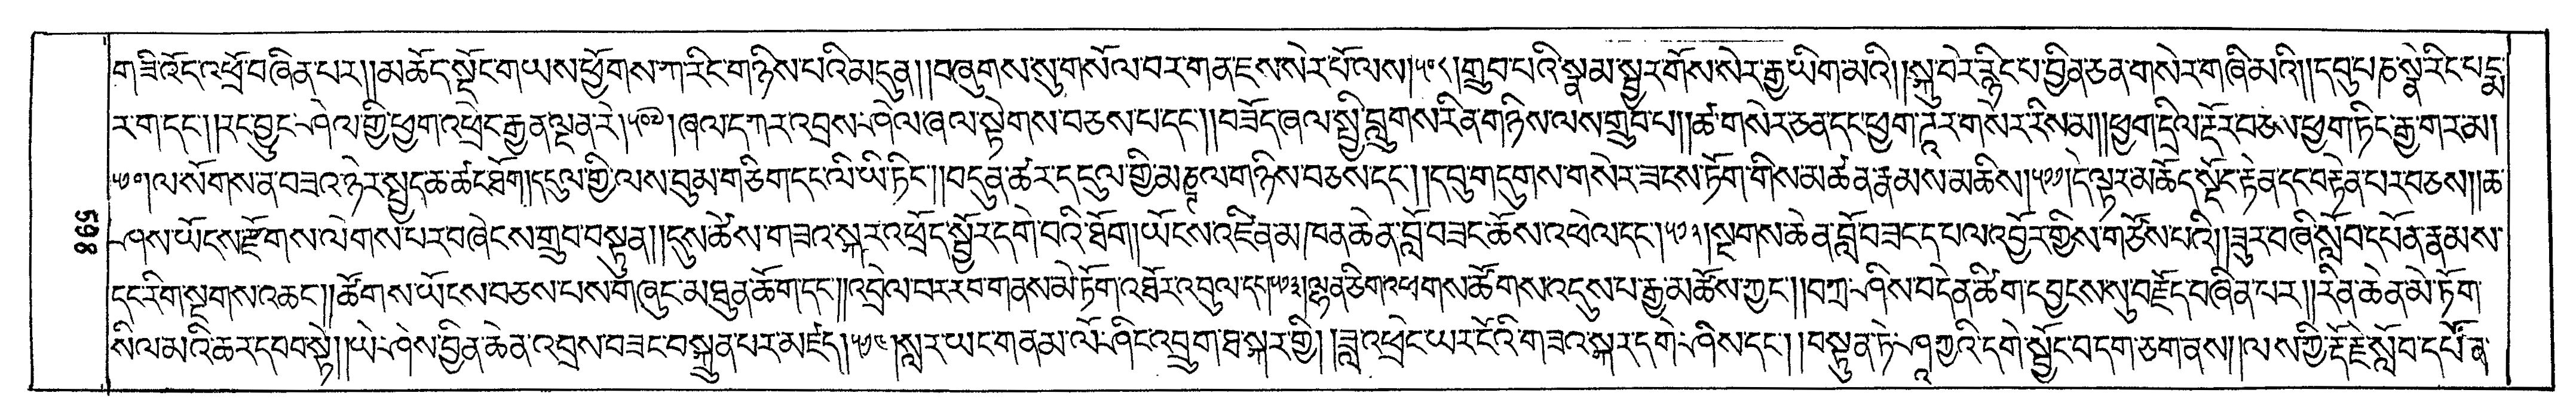གཟི་འོད་འཕྲོ་བཞིན་པར། །མཆོད་སྡོང་གཡས་ཕྱོགས་ཀ་རིང་གཉིས་པའི་མདུན། །བཞུགས་སུ་གསོལ་བར་གན་ཇུས་སེར་པོ་ལས། ༥༠༨་།གྲུབ་པའི་སྣམ་སྦྱར་གོས་སེར་རྒྱ་ཡིག་མའི། །སྐུ་བེར་རྙིང་པ་བྱིན་ཅན་གསེར་གཞི་མའི། །དབུ་པཎ་སྣེ་རིང་པ་པདམ་
རཱ་ག་དང་། །རང་བྱུང་ཤེལ་གྱི་ཕྱག་འཕྲེང་རྒྱན་ལྡན་རེ། ༥༠༧་།ཞལ་དཀར་འབྲས་ཤེལ་ཞལ་སྟེགས་བཅས་པ་དང་། །བཟེད་ཞལ་སྤྱི་བླུགས་རིན་གཉིས་ལས་གྲུབ་པ། །ཚ་གསེར་ཅན་དང་ཕྱག་ཌཱར་གསེར་རིས་མ། །ཕྱག་དྲིལ་རྡོར་བཅས་ཕྱག་ཏིང་རྒྱ་གར་མ།
༥༡༠་།ལ་སོགས་ན་བཟའ་ཉེར་སྦྱད་ཆ་ཚང་ཐོག །དངུལ་གྱི་ལས་བུམ་གཅིག་དང་ལི་ཡི་ཏིང་། །བདུན་ཚར་དངུལ་གྱི་མཎྜལ་གཉིས་བཅས་དང་། །དབུ་གདུགས་གསེར་ཟངས་ཏོག་གིས་མཚན་རྣམས་མཆིས། ༥༡༡་།དེ་ལྟར་མཆོད་སྡོང་རྟེན་དང་བརྟེན་པར་བཅས། །ཆ་
ཤས་ཡོངས་རྫོགས་ལེགས་པར་བཞངས་གྲུབ་བསྟུན། །དུས་ཚེས་གཟའ་སྐར་འཕྲོད་སྦྱོར་དགེ་བའི་ཐོག །ཡོངས་འཛིན་མཁན་ཆེན་བློ་བཟང་ཆོས་འཕེལ་དང་། ༥༡༢་།སྔགས་ཆེན་བློ་བཟང་དཔལ་འབྱོར་གྱིས་གཙོས་པའི། །ཟུར་བཞི་སློབ་དཔོན་རྣམས་
དང་རིག་སྔགས་འཆང་། །ཚོགས་ཡོངས་བཅས་པས་གཞུང་མཐུན་ཆོ་ག་དང་། །འབྲེལ་བར་རབ་གནས་མེ་ཏོག་འཐོར་འབུལ་དང་། ༥༡༣་།ལྷན་ཅིག་འཕགས་ཚོགས་འདུས་པ་རྒྱ་མཚོས་ཀྱང་། །བཀྲ་ཤིས་བདེན་ཚིག་དབྱངས་སུ་བརྗོད་བཞིན་པར། །རིན་ཆེན་མེ་ཏོག་
སིལ་མའི་ཆར་དབབ་སྟེ། །ཡེ་ཤེས་བྱིན་ཆེན་འབྲས་བཟང་བསྐྲུན་པར་མཛད། ༥༡༤་།སླར་ཡང་གནམ་ལོ་ཤིང་འབྲུག་ཐ་སྐར་གྱི། །ཟླ་འཕྲེང་ཡར་དོའི་གཟའ་སྐར་དགེ་ཤིས་དང་། །བསྟུན་ཏེ་ཤཱཀྱའི་དགེ་སྦྱོང་བདག་ཅག་ནས། །ལས་ཀྱི་རྡོ་རྗེ་སློབ་དཔོན་